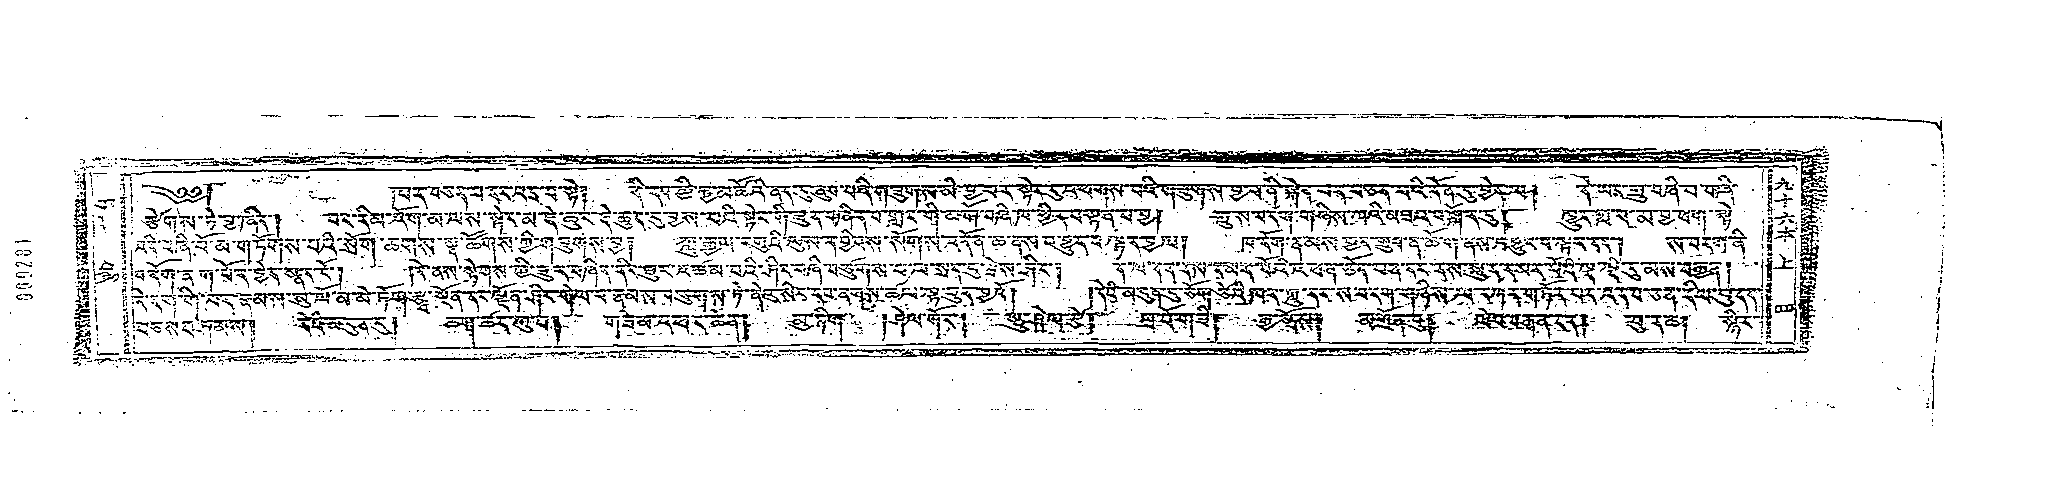༄༅། །བར་བཅད་པ་དང་འདྲ་བ་སྟེ། །རི་རབ་ཀྱི་རྒྱ་མཚོའི་ནད་དུ་ནུབ་པའི་གཟུགས་མི་བྱ་བར་སྟེང་དུ་འཕགས་པའི་གཟུགས་བྱ་བ་ནི་སྐེད་པར་བཅད་པའི་དོན་དུ་བྱེད་ལ། དེ་ཡང་གྲུ་བཞི་པ་བཞི་
རྩེགས་ཏེ་བྱ་ཞིང་། བང་རིམ་འོག་མ་ལས་སྟེང་མ་ཇེ་ཆུང་དུ་བྱས་པའི་སྟེང་གི་ཟུར་བཞིར་བ་གླང་གི་མགོ་བཞི་ཁ་ཕྱིར་བསྟན་པ་བྱ། ཀླུས་བདག་གཉིས་ཀའི་མཐའ་བསྐོར་དུ། ཁྱུད་གླ་བ་མ་བྱ་ཕག་སྟེ་
འདི་བཞི་པོ་མ་གཏོགས་པའི་སྲོག་ཆགས་སྣ་ཚོགས་ཀྱི་གཟུགས་བྱ། ཀླུ་རྒྱལ་དགུའི་ལུས་དབྱིབས་སོགས་འདོན་ཆ་ནས་འབྱུང་བ་ལྟར་བྱ་ལ། ཁ་དོག་རྣམས་ཀྱང་གྲུབ་ན་ཆོ་གནས་འབྱུང་བ་ལྟར་དང་། ས་བདག་ནི་
མདོག་ནག་བོར་བྱེད་སྣང་ངོ། །དེ་ནས་སྟེགས་ཀྱི་ཟུར་བཞིར་རིང་ཐུང་འཚམ་པའི་ཤིང་བཞི་བཙུགས་པ་ལ་སྲད་བུ་བྲིས་ཤིང་། དེ་ལ་དར་རས་དམར་པོའི་འཕན་ཅོད་པ་ན་དང་རས་སྐུད་དམར་པོའི་ལྔ་ལྡི་དུ་མས་བརྒྱན། །
དེ་དག་གི་པར་རྣམས་སུ་ལོ་མ་མེ་ཏོག་རྩྭ་སྔོན་དང་ལྔོན་ཤིང་གེལ་བ་རྣམས་བཙུགས་ཏེ་ནེའུ་སིང་དང་ནགས་ཚལ་ལྟ་བུར་བྱའོ། །དེའི་མདུན་དུ་ཅོག་ཙེའི་ཁར་ཀླུ་དར་ས་བདག་གཉིས་ལ་དཀར་གཏོར་པད་འདབ་ཅན་རིལ་བུ་དང་
བཅས་བཤམས། དེའི་མདུན་དུ། ཆག་ཚད་ཀུ་བ། གཟེམ་འཕད་ཆེན། མུ་ཏིག་ཤེལ་གོང་། སྦུ་ཤེལ་རྩེ། ཁྲ་བོ་གཟི། རྒྱ་སྤོས། མགྲོན་བུ། ལེབ་བརྒན་དར། བུ་རམ། སྙིང་